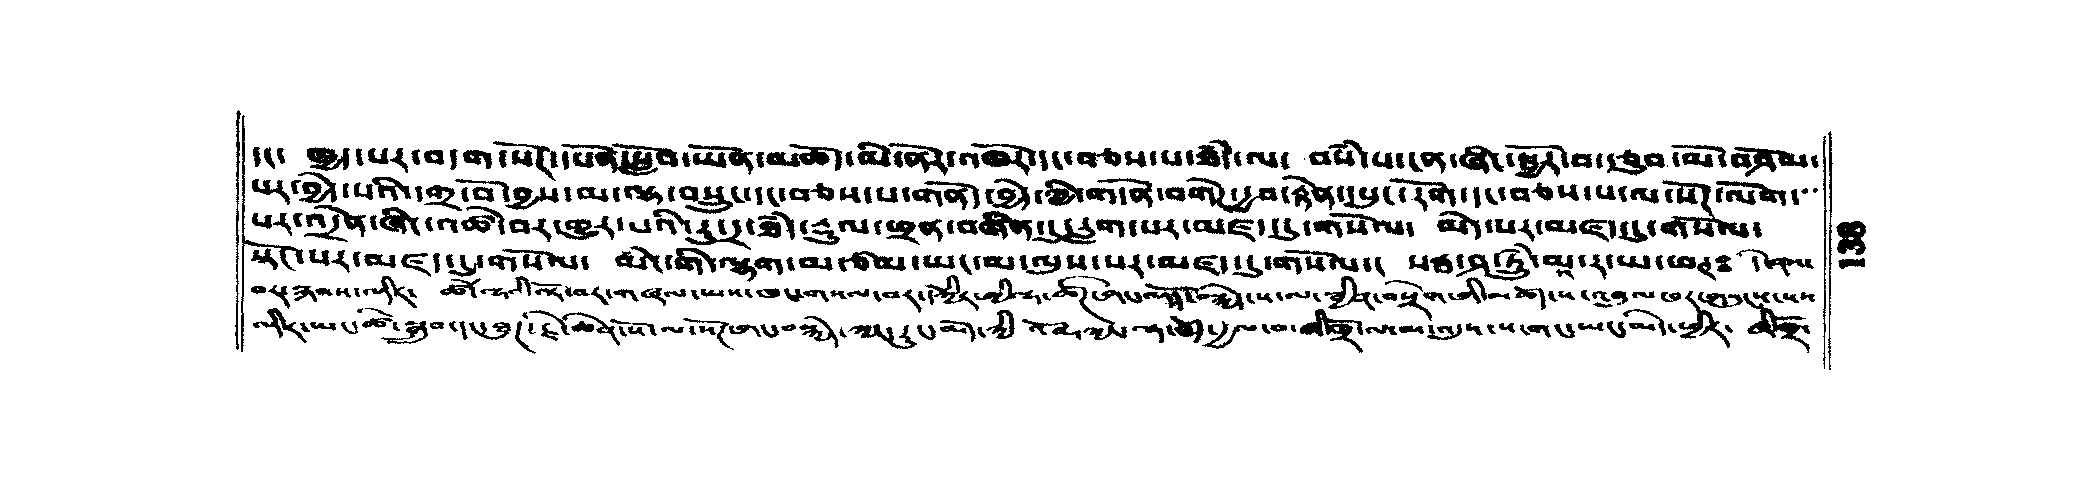དང་ཁྱད་པར་བདག་སོགས་དཔོན་སློབ་ཡོན་མཆོད་མི་ནོར་འཁོར་དང་བཅས་པ་ཐམས་ཅད་ལ། བསམ་པ་ངན་ཞིང་སྦྱོར་བ་རྩུབ་མོ་བཤོམ་
པར་བྱེད་པའི་དགྲ་བོ་བྱས་མ་ལྷ་བསྲུང་དག་བཅས་པ་གནོད་བྱེད་ཀྱི་གདོན་བགེགས་རྒྱབ་རྟེན་དཔུང་རོགས་དང་བཅས་པ་ལ་སོགས་ལོག་
པར་འདྲེན་ཞིང་འཚེ་བར་གྱུར་པའི་རུ་དྲ་ཐམས་ཅད་རྡུལ་ཕྲན་བཞིན་དུ་རླག་པར་མཛད་དུ་གསོལ། མེད་པར་མཛད་དུ་གསོལ། 
སྟོང་པར་མཛད་དུ་གསོལ། མིང་གི་ལྷག་མ་ཙམ་ཡང་མ་ལུས་པར་མཛད་དུ་གསོལ། སརྦ་ཤཏྲུཾ་མཱ་ར་ཡ་ཕཊཿ དེ་ནས་
བར་སྐབས་འདིར། ཚེ་ལྷའི་ལྟོ་བར་གཞལ་ཡས་ཁང་གསལ་བར་དཀྱིལ་འཁོར་གྱི་ལྷ་ཚོགས་གང་འདོད་བསྐྱེད་པ་ལ་སྦྱིན་བསྲེག་གི་མཆོད་པ་འབུལ་བར་གསུངས་པས་
འདིར་ཡང་ཚེ་སྒྲུབ་དང་ཐུགས་རྗེ་ཆེན་པོ་ལ་སོགས་གང་བསྐྱེད་ཀྱང་རུང་མོད་ཀྱི། འོན་ཀྱང་ལྷ་ཐམས་ཅད་རྒྱལ་བ་ཞི་ཁྲོ་ལ་མ་འདུས་པ་གང་ཡང་མེད་ཕྱིར། ཞི་ཁྲོ་